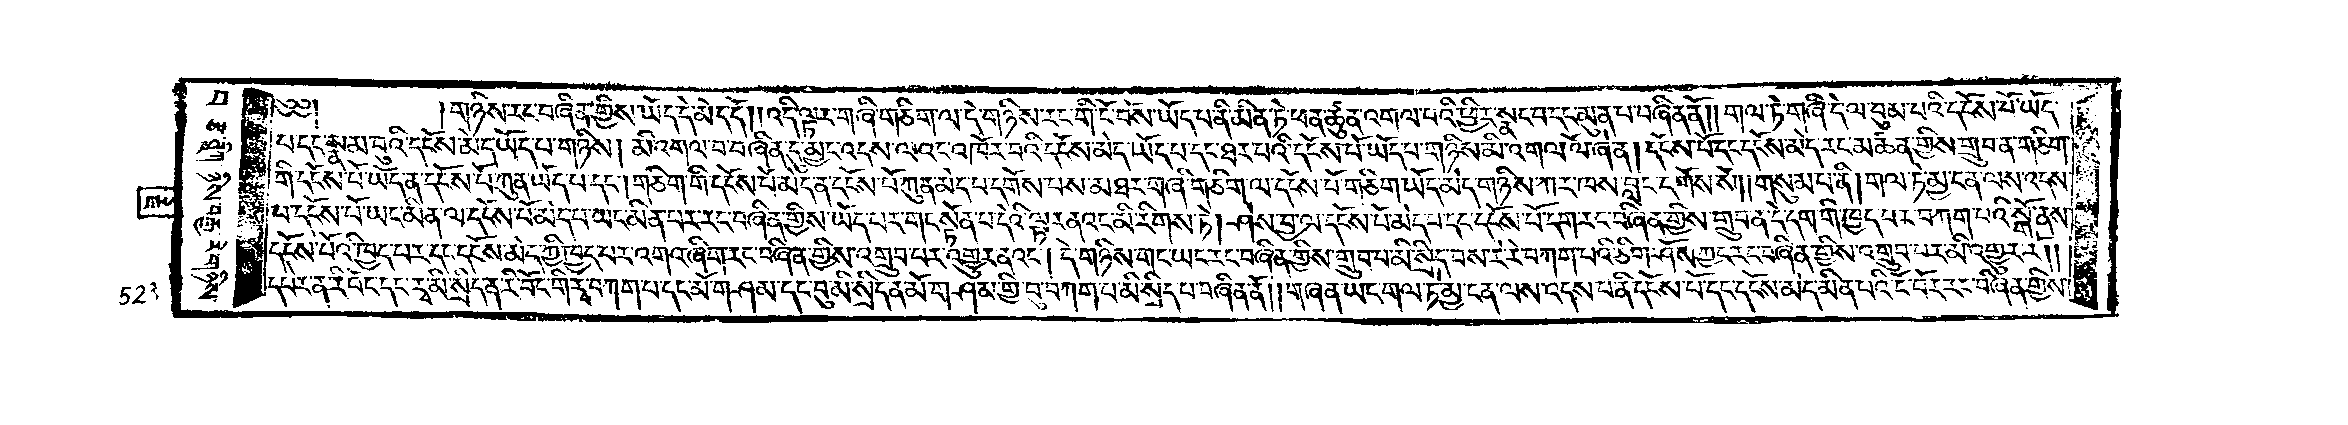༄༅། །གཉིས་རང་བཞིན་གྱིས་ཡོད་དེ་མེད་དོ། །འདི་ལྟར་གཞི་གཅིག་ལ་དེ་གཉིས་རང་གི་ངོ་བོས་ཡོད་པ་ནི་མིན་ཏེ་ཕན་ཚུན་འགལ་བའི་ཕྱིར་སྣང་བ་དང་མུན་པ་བཞིན་ནོ། །གལ་ཏེ་གཞི་དེ་ལ་བུམ་པའི་དངོས་པོ་ཡོད་
པ་དང་སྣམ་བུའི་དངོས་མེད་ཡོད་པ་གཉིས། མི་འགལ་བ་བཞིན་དུ་མྱང་འདས་ལའང་འཁོར་བའི་དངོས་མེད་ཡོད་པ་དང་ཐར་པའི་དངོས་པོ་ཡོད་པ་གཉིས་མི་འགལ་ལོ་ཞེ་ན། དངོས་པོ་དང་དངོས་མེད་རང་མཚན་གྱིས་གྲུབ་ན་གཅིག་
གི་དངོས་པོ་ཡོད་ན་དངོས་པོ་ཀུན་ཡོད་པ་དང་། གཅིག་གི་དངོས་པོ་མེད་ན་དངོས་པོ་ཀུན་མེད་པ་དངོས་པས་མཐར་གཞི་གཅིག་ལ་དངོས་པོ་གཅིག་ཡོད་མེད་གཉིས་ཀར་ཁས་བླང་དགོས་སོ། །གསུམ་པ་ནི། གལ་ཏེ་མྱ་ངན་ལས་འདས་
པ་དངོས་པོ་ཡང་མིན་ལ་དངོས་པོ་མེད་པ་ཡང་མིན་པར་རང་བཞིན་གྱིས་ཡོད་པར་གང་ཏོན་པ་དེའི་ལྟར་ནའང་མི་རིགས་ཏེ། ཤེས་བྱས་ལ་དངོས་པོ་མེད་པས་དང་དངོས་པོ་དག་རང་བཞིན་གྱིས་གྲུབ་ན་དེ་དག་གི་ཁྱད་པར་བཀག་པའི་སྒོ་ནས་
དངོས་པོའི་ཁྱད་པར་དང་དངོས་མེད་ཀྱི་ཁྱད་པར་འགའ་ཞིག་རང་བཞིན་གྱིས་འགྲུབ་པར་འགྱུར་ནའང་། དེ་གཉིས་གང་རང་བཞིན་གྱིས་གྲུབ་པ་མི་སྲིད་པས་རེ་རེ་བཀག་པའི་ཅིག་ཤེས་ཀྱང་རང་བཞིན་གྱིས་འགྲུབ་པར་མི་འགྱུར་རོ། །
དཔེར་ན་རི་བོང་དང་རྭ་མི་སྲིད་ན་རི་བོང་གི་རྭ་བཀག་པ་དང་མོ་གཤམ་དང་བུ་མི་སྲིད་ན་མོ་གཤམ་གྱི་བུ་བཀག་པ་མི་སྲིད་པ་བཞིན་ནོ། །གཞན་ཡང་གལ་ཏེ་མྱ་ངན་ལས་འདས་པ་ནི་དངོས་པོ་དང་དངོས་མེད་མིན་པའི་ངོ་བོར་རང་བཞིན་གྱིས་